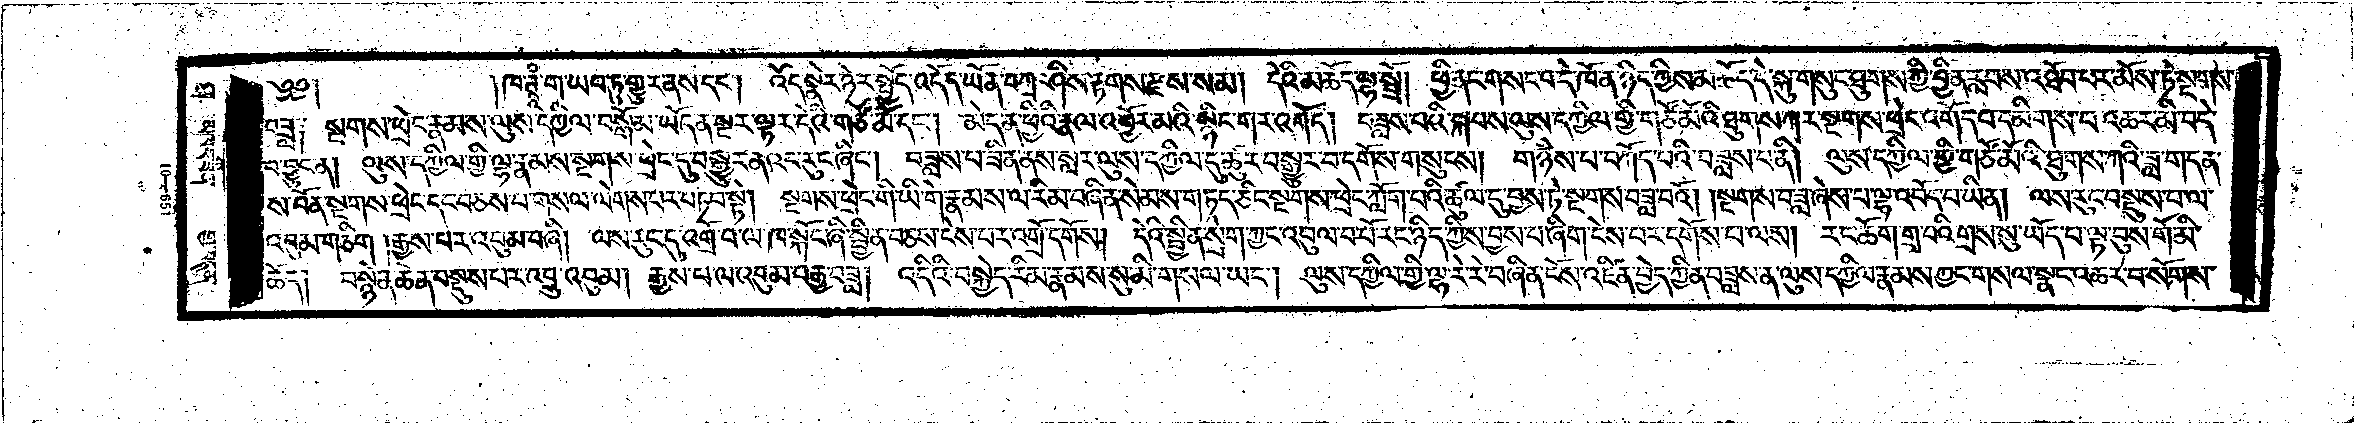༄༅། །ཁ་ཊྭཱཾ་ག་ཡབ་ཏུ་གྱུར་ནས་དང་། འོད་སྣེར་ཉེར་སྤྱོད་འདོད་ཡོན་བཀྲ་ཤིས་རྟགས་རྫས་སམ། དེའི་མཆོད་ལྷ་སྤྲོ། ཕྱི་ནང་གསང་བ་དེ་ཁོ་ན་ཉིད་ཀྱིས་མཆོད་དེ་སྐུ་གསུང་ཐུགས་ཀྱི་བྱིན་རླབས་འཐོབ་པར་མོས་ཏེ་སྔགས་
བཟླ༑ སྔགས་ཕྲེང་རྣམས་ལུས་དཀྱིལ་བསྒོམ་ཡོད་ན་སྔར་ལྟར་དེའི་གཙོ་མོ་དང་། མེད་ན་ཕྱིའི་རྣལ་འབྱོར་མའི་སྙིང་གར་འགོད། བཟླས་པའི་སྐབས་ལུས་དཀྱིལ་གྱི་གཙོ་མོའི་ཐུགས་ཀར་སྔགས་ཕྲེང་འགོད་པ་དམིགས་པ་འཆར་མི་བདེ་
བ་བྱུང་ན། ལུས་དཀྱིལ་གྱི་ལྷ་རྣམས་སྔགས་ཕྲེང་དུ་བསྒྱུར་ནའང་རུང་ཞིང་། བཟླས་པ་ཟིན་ནས་སླར་ལུས་དཀྱིལ་དུ་ཚུར་བསྒྱུར་བ་དགོས་གསུངས། གཉིས་པ་བཀོད་པའི་བཟླས་པ་ནི། ལུས་དཀྱིལ་གྱི་གཙོ་མོའི་ཐུགས་ཀའི་ཟླ་གདན་
ས་བོན་སྔགས་ཕྲེང་དང་བཅས་པ་གསལ་ལེགས་པར་བཏབ་སྟེ། སྔགས་ཕྲེང་གི་ཡི་གེ་རྣམས་ལ་རིམ་བཞིན་སེམས་གཏད་ཅིང་སྔགས་ཕྲེང་ཀློག་པའི་ཚུལ་དུ་བྱས་ཏེ་སྔགས་བཟླ་བའོ། །སྔགས་བཟླ་ཞེས་པ་ལྷ་འབོད་པ་ཡིན། ལས་རུང་བསྡུས་པ་ལ་
འབུམ་གཅིག །རྒྱས་པར་འབུམ་བཞི། ལས་རུང་དུ་འགྲོ་བ་ལ་ཁ་སྐོང་ཞི་སྦྱིན་བཅས་ངེས་པར་འགྲོ་དགོས། དེའི་སྦྱིན་སྲེག་ཀྱང་འབུལ་བ་པོ་རང་ཉིད་ཀྱིས་བྱས་པ་ཞིག་ངེས་པར་དགོས་པ་ལས། རང་ཆོག་གྲ་བའི་གྲས་སུ་ཡོད་པ་ལྟ་བུས་གོ་མི་
ཆོད༑ བསྙེན་ཆེན་བསྡུས་པར་འབྲུ་འབུམ། རྒྱས་པ་ལ་འབུམ་བརྒྱ་བཟླ། འདིའི་བསྐྱེད་རིམ་རྣམས་སུ་མི་གསལ་ཡང་། ལུས་དཀྱིལ་གྱི་ལྷ་རེ་རེ་བཞིན་ངོས་འཛིན་བྱེད་ཀྱིན་བཟླས་ན་ལུས་དཀྱིལ་རྣམས་ཀྱང་གསལ་སྣང་འཆར་བ་སོགས་